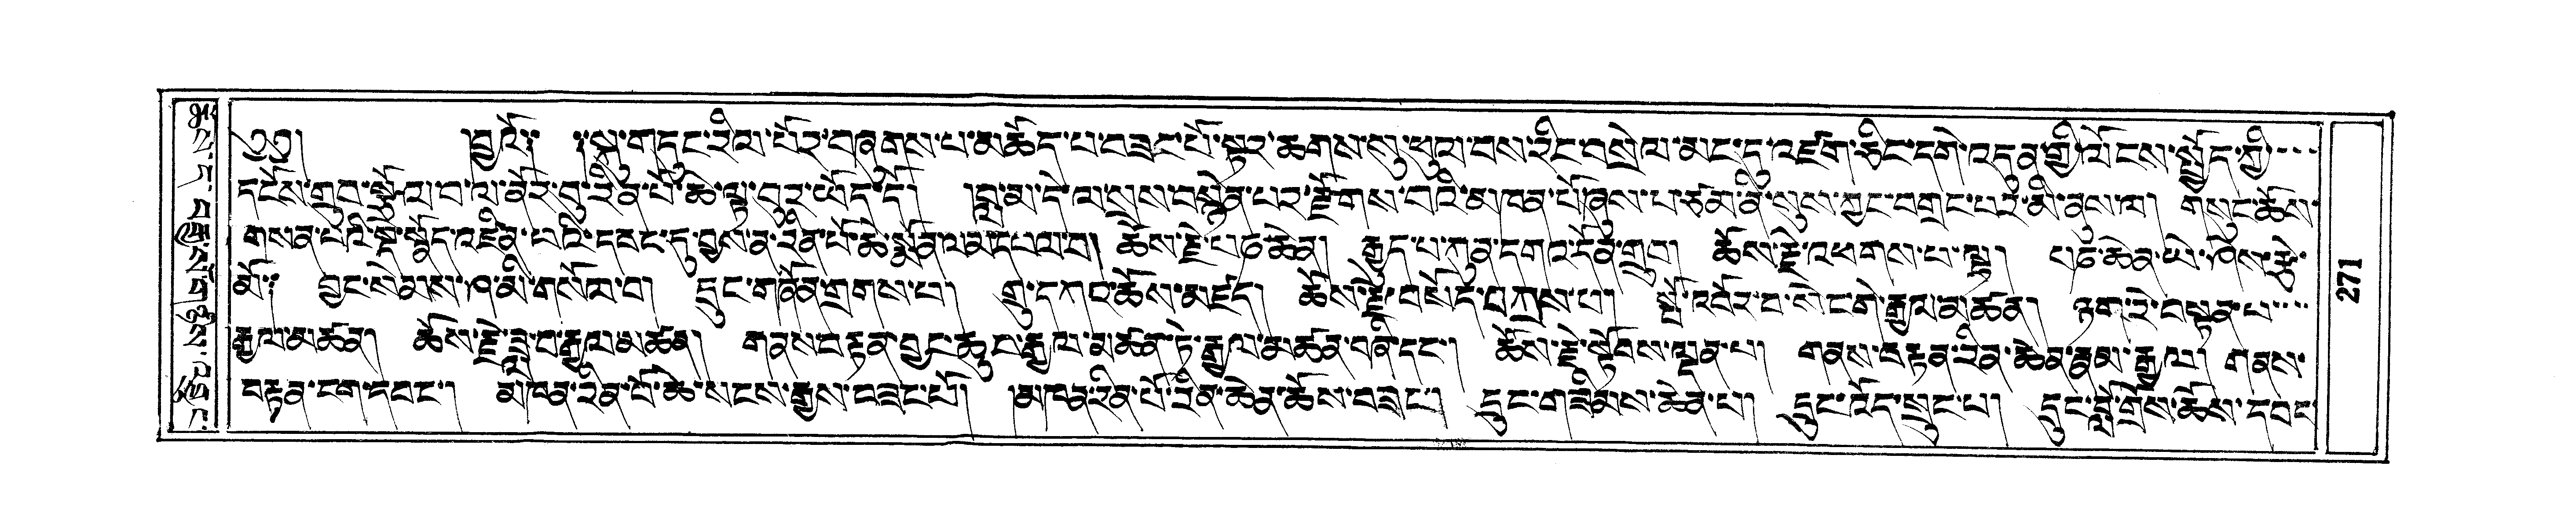༄༅། །བྱའོ༑ ༑སྐུ་གདུང་རིལ་པོར་བཞུགས་པ་མཆོད་པ་བཟང་པོ་ལྟར་ཆགས་སུ་ཕུལ་བས་རིང་བསྲེལ་མང་དུ་འཛག་ཅིང་དགེ་འདུན་གྱི་ལོངས་སྤྱོད་ཀྱི་
དངོས་གྲུབ་སྩོལ་བ་ལ་ནོར་བུ་རིན་པོ་ཆེ་ལྟ་བུར་ཡོད་དོ། །བླ་མ་དེ་ལ་སྲས་བསྙེན་པར་རྫོགས་པའི་མཁན་པོ་ཞུས་པ་ཙམ་ནི་སུས་ཀྱང་བགྲང་པར་མི་ནུས་ལ། གསུང་ཆོས་
གསན་པའི་སྡེ་སྣོད་འཛིན་པའི་དབང་དུ་བྱས་ན་རིན་པོ་ཆེ་སྨོན་ལམ་དཔལ་བ། ཆོས་རྗེ་པཎ་ཆེན། རྒྱུད་པ་ཀུན་དགའ་དོན་གྲུབ། ཆོས་རྗེ་འཕགས་པ་ལྷ། པཎ་ཆེན་ཡེ་ཤེས་རྩེ་
མོ༑ བྱང་སེམས་ཤ་མི་གསོལ་བ། དྲུང་གཞོན་གྲགས་པ། གྲུ་དཀའ་ཆོས་མཛད། ཆོས་རྗེ་བསོད་བཀྲས་པ། སྤོ་འབོར་བ་སེང་གེ་རྒྱལ་མཚན། ཉག་རེ་བསྟན་པ་
རྒྱལ་མཚན། ཆོས་རྗེ་ཟླ་བ་རྒྱལ་མཚན། གནས་བརྟན་བྱང་ཆུབ་རྒྱལ་མཚན་ཏེ་རྒྱལ་མཚན་བཞི་དང་། ཆོས་རྗེ་སྟོབས་ལྡན་པ། གནས་བརྟན་རིན་ཆེན་རྣམ་རྒྱལ། གནས་
བརྟན་དག་དབང་། མཁན་རིན་པོ་ཆེ་སངས་རྒྱས་བཟང་པོ། །མཁན་རིན་པོ་རིན་ཆེན་ཆོས་བཟང་། དྲུང་གཟིམས་ཆེན་པ། དྲུང་འོད་སྲུང་པ། དྲུང་བློ་གྲོས་ཆོས་དབང་